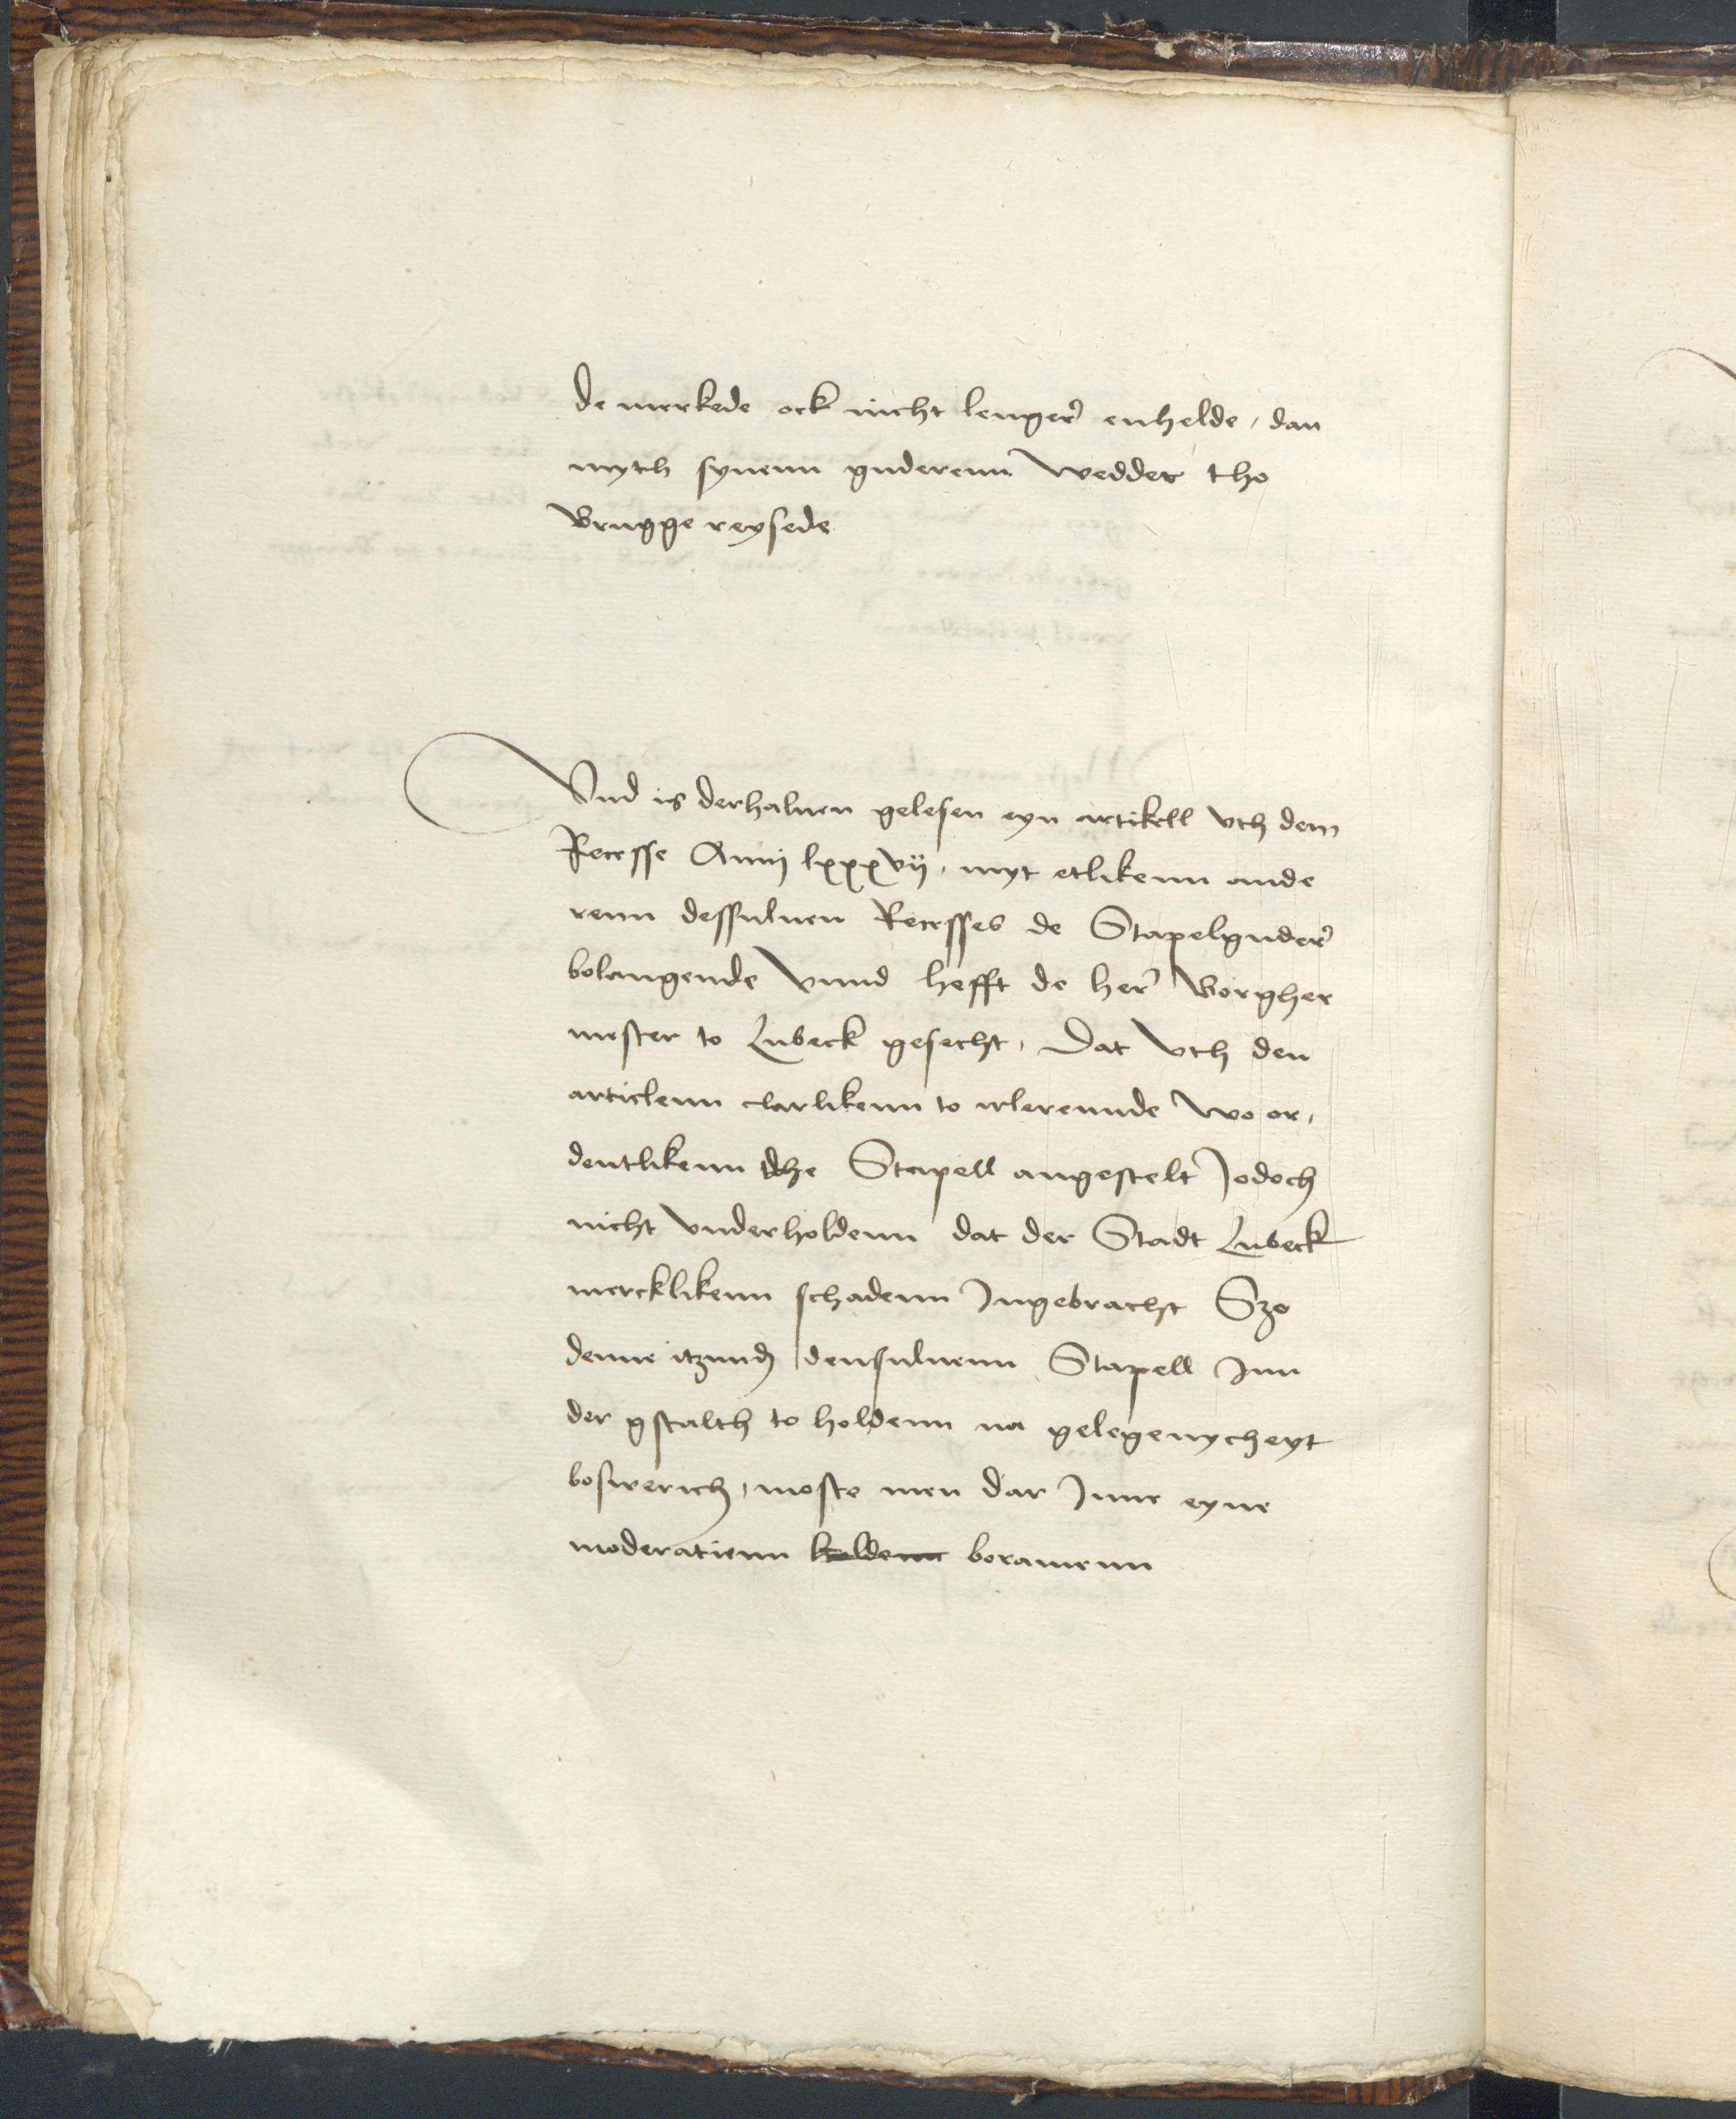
de merkede ock nicht lenger enhelde, dan
myth synenn guderenn wedder tho
Brugge reysede
Vnd is derhaluen gelesen eyn artikell vth dem
Recesse Annj lxxxvij, myt etlikenn ande¬
renn dessuluen Recesses de Stapelguder
bolangende vnnd hefft de her Borgher¬
mester to Lubeck gesecht, dat vth den
articlenn clarlikenn to irlerennde wo or¬
dentliken dhe Stapell angestelt Jodoch
nicht vnderholdenn dat der Stadt Lubeck
mercklikenn schaden Jngebracht Szo
denne itzundes densuluenn Stapell Jnn
der gstalth to holdenn na gelegenycheyt
boswerich, moste men dar Jnne eyne
moderatienn haldenn boramenn
